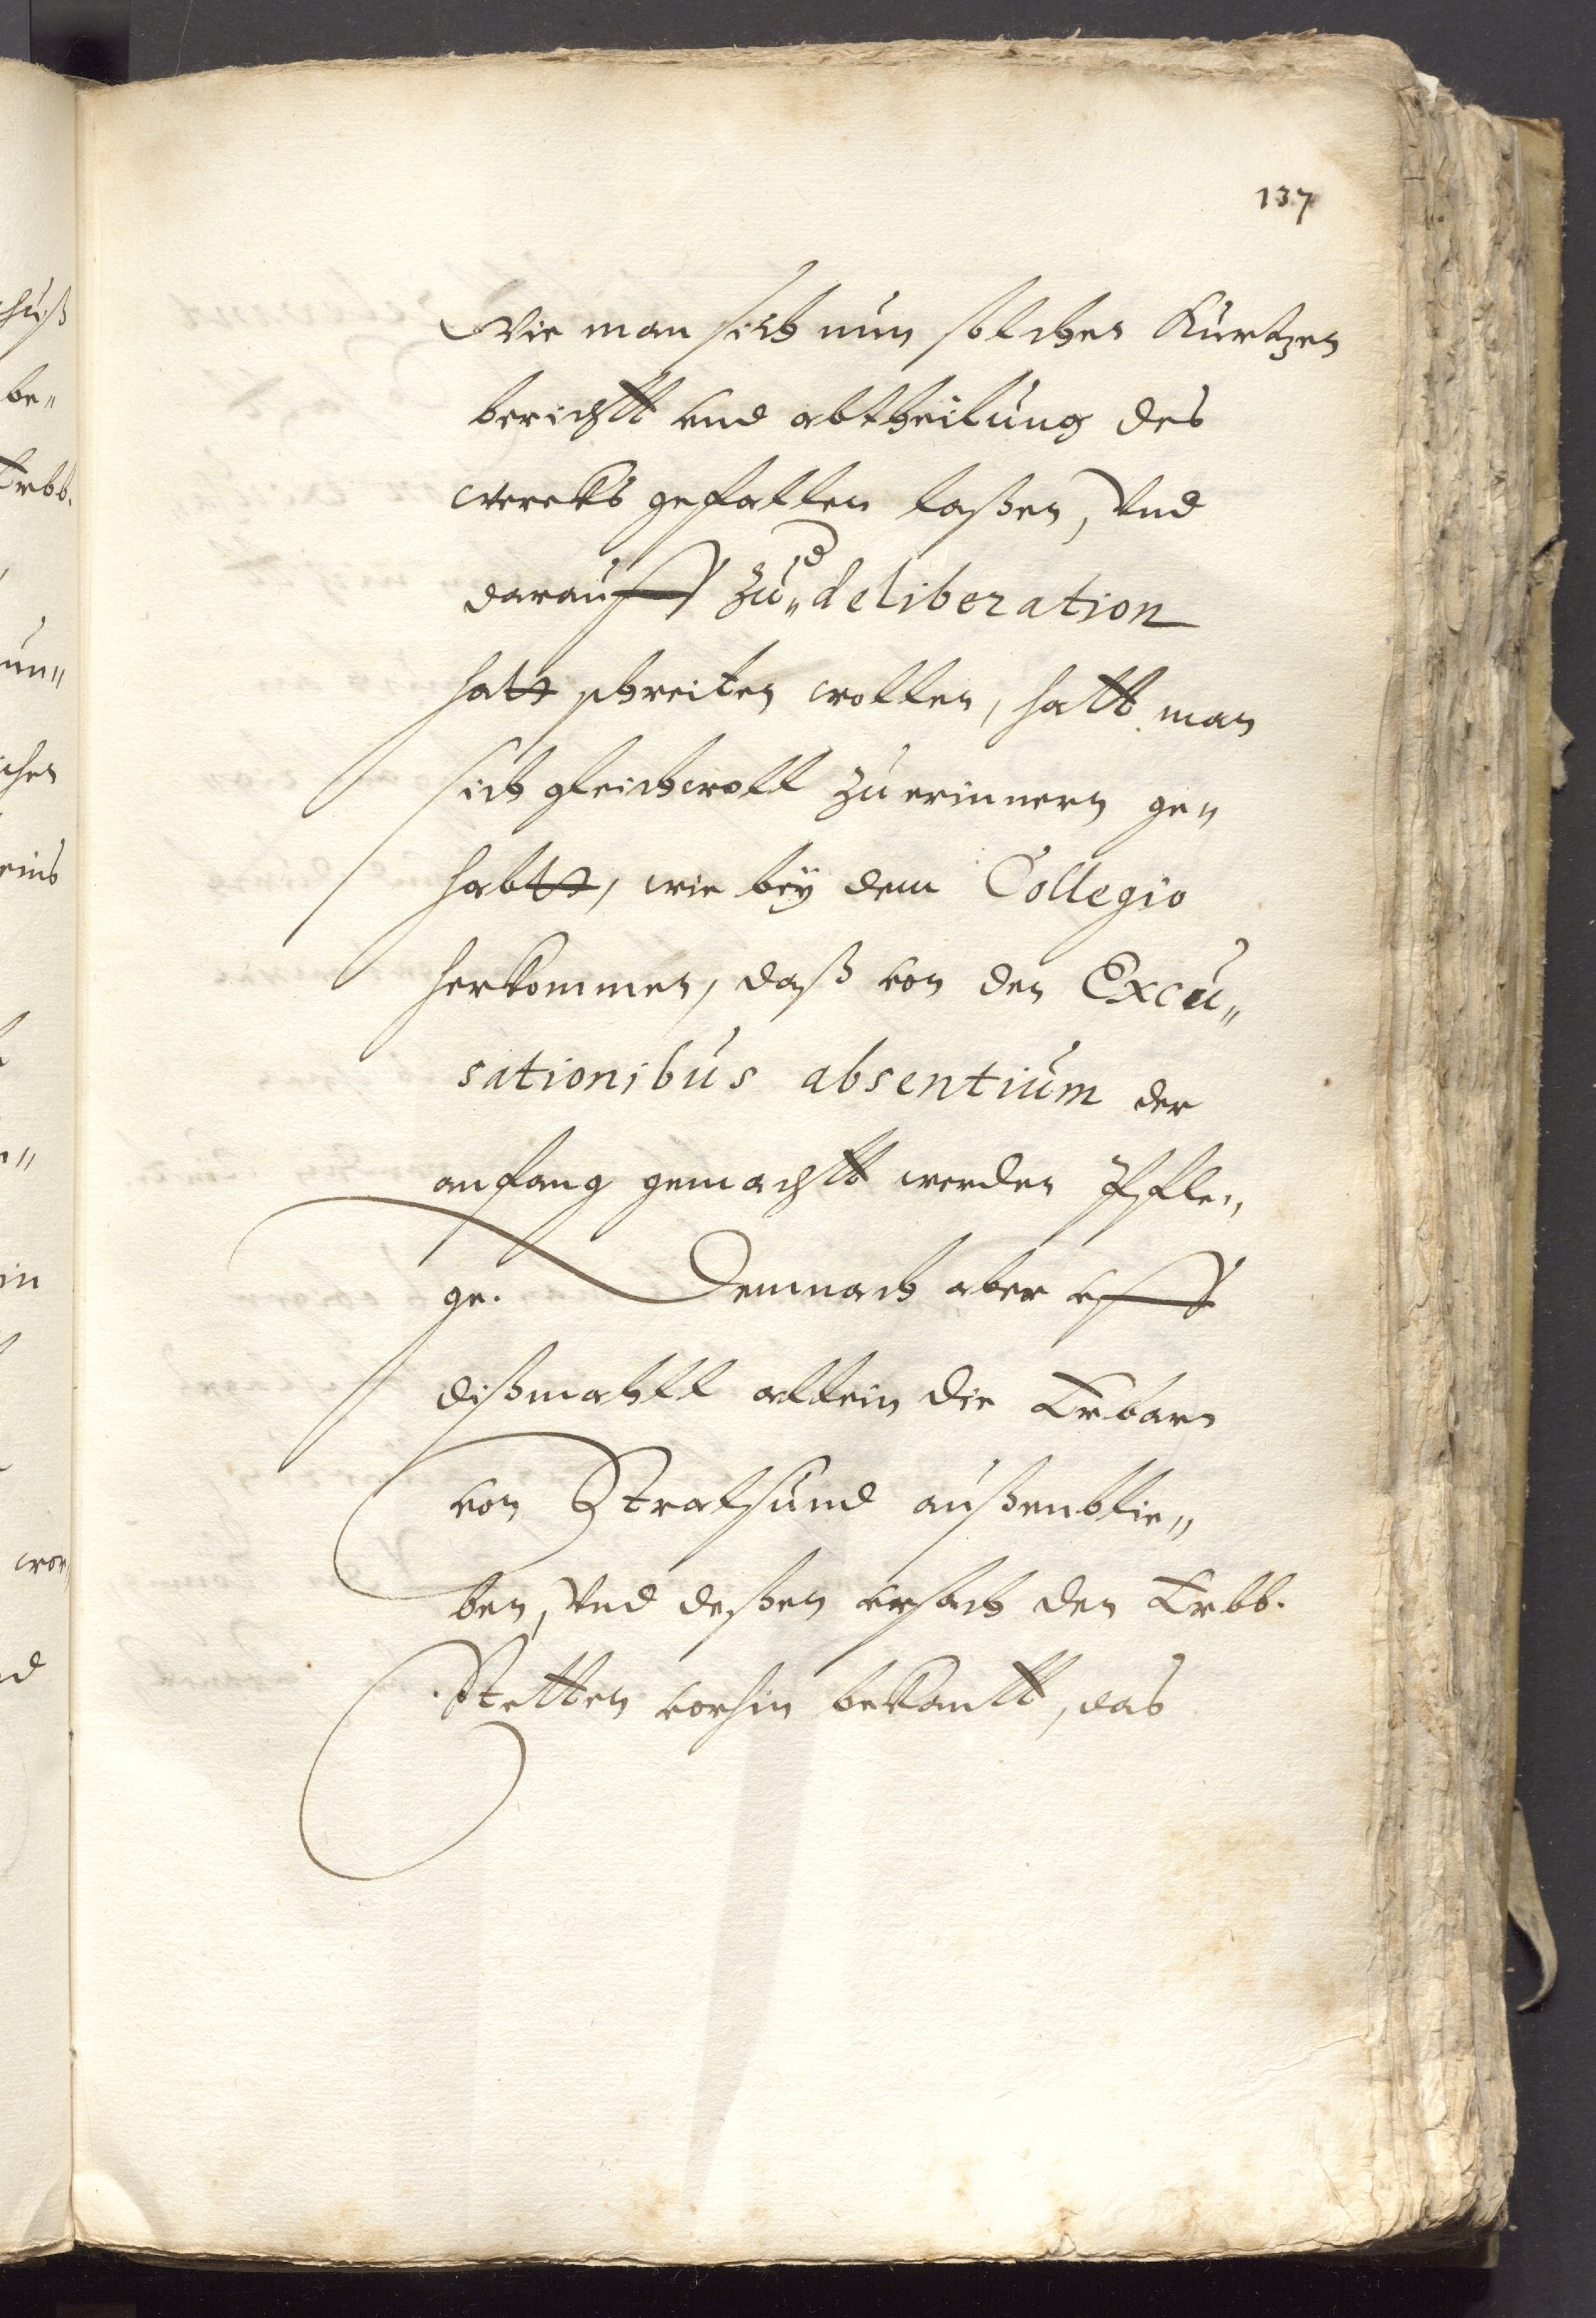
137
wie man sich nun solchen kurtzen
berichtt vnd abtheilung des
wercks gefallen laßen, vnd
der
darauff zu deliberation
hatt schreiten wollen, hatt man
sich gleichwoll zu erinnern ge¬
gehabtt, wie beij dem Collegio
herkommen, daß von den Excu¬
sationibus absentium der
anfang gemachtt werden Pfle¬
ge. Demnach aber vff
dißmahll allein die Erbarn
von Stralsund außenblie¬
ben, vnd deßen vrsach den Erbb.
Stetten vorhin bekantt, das
